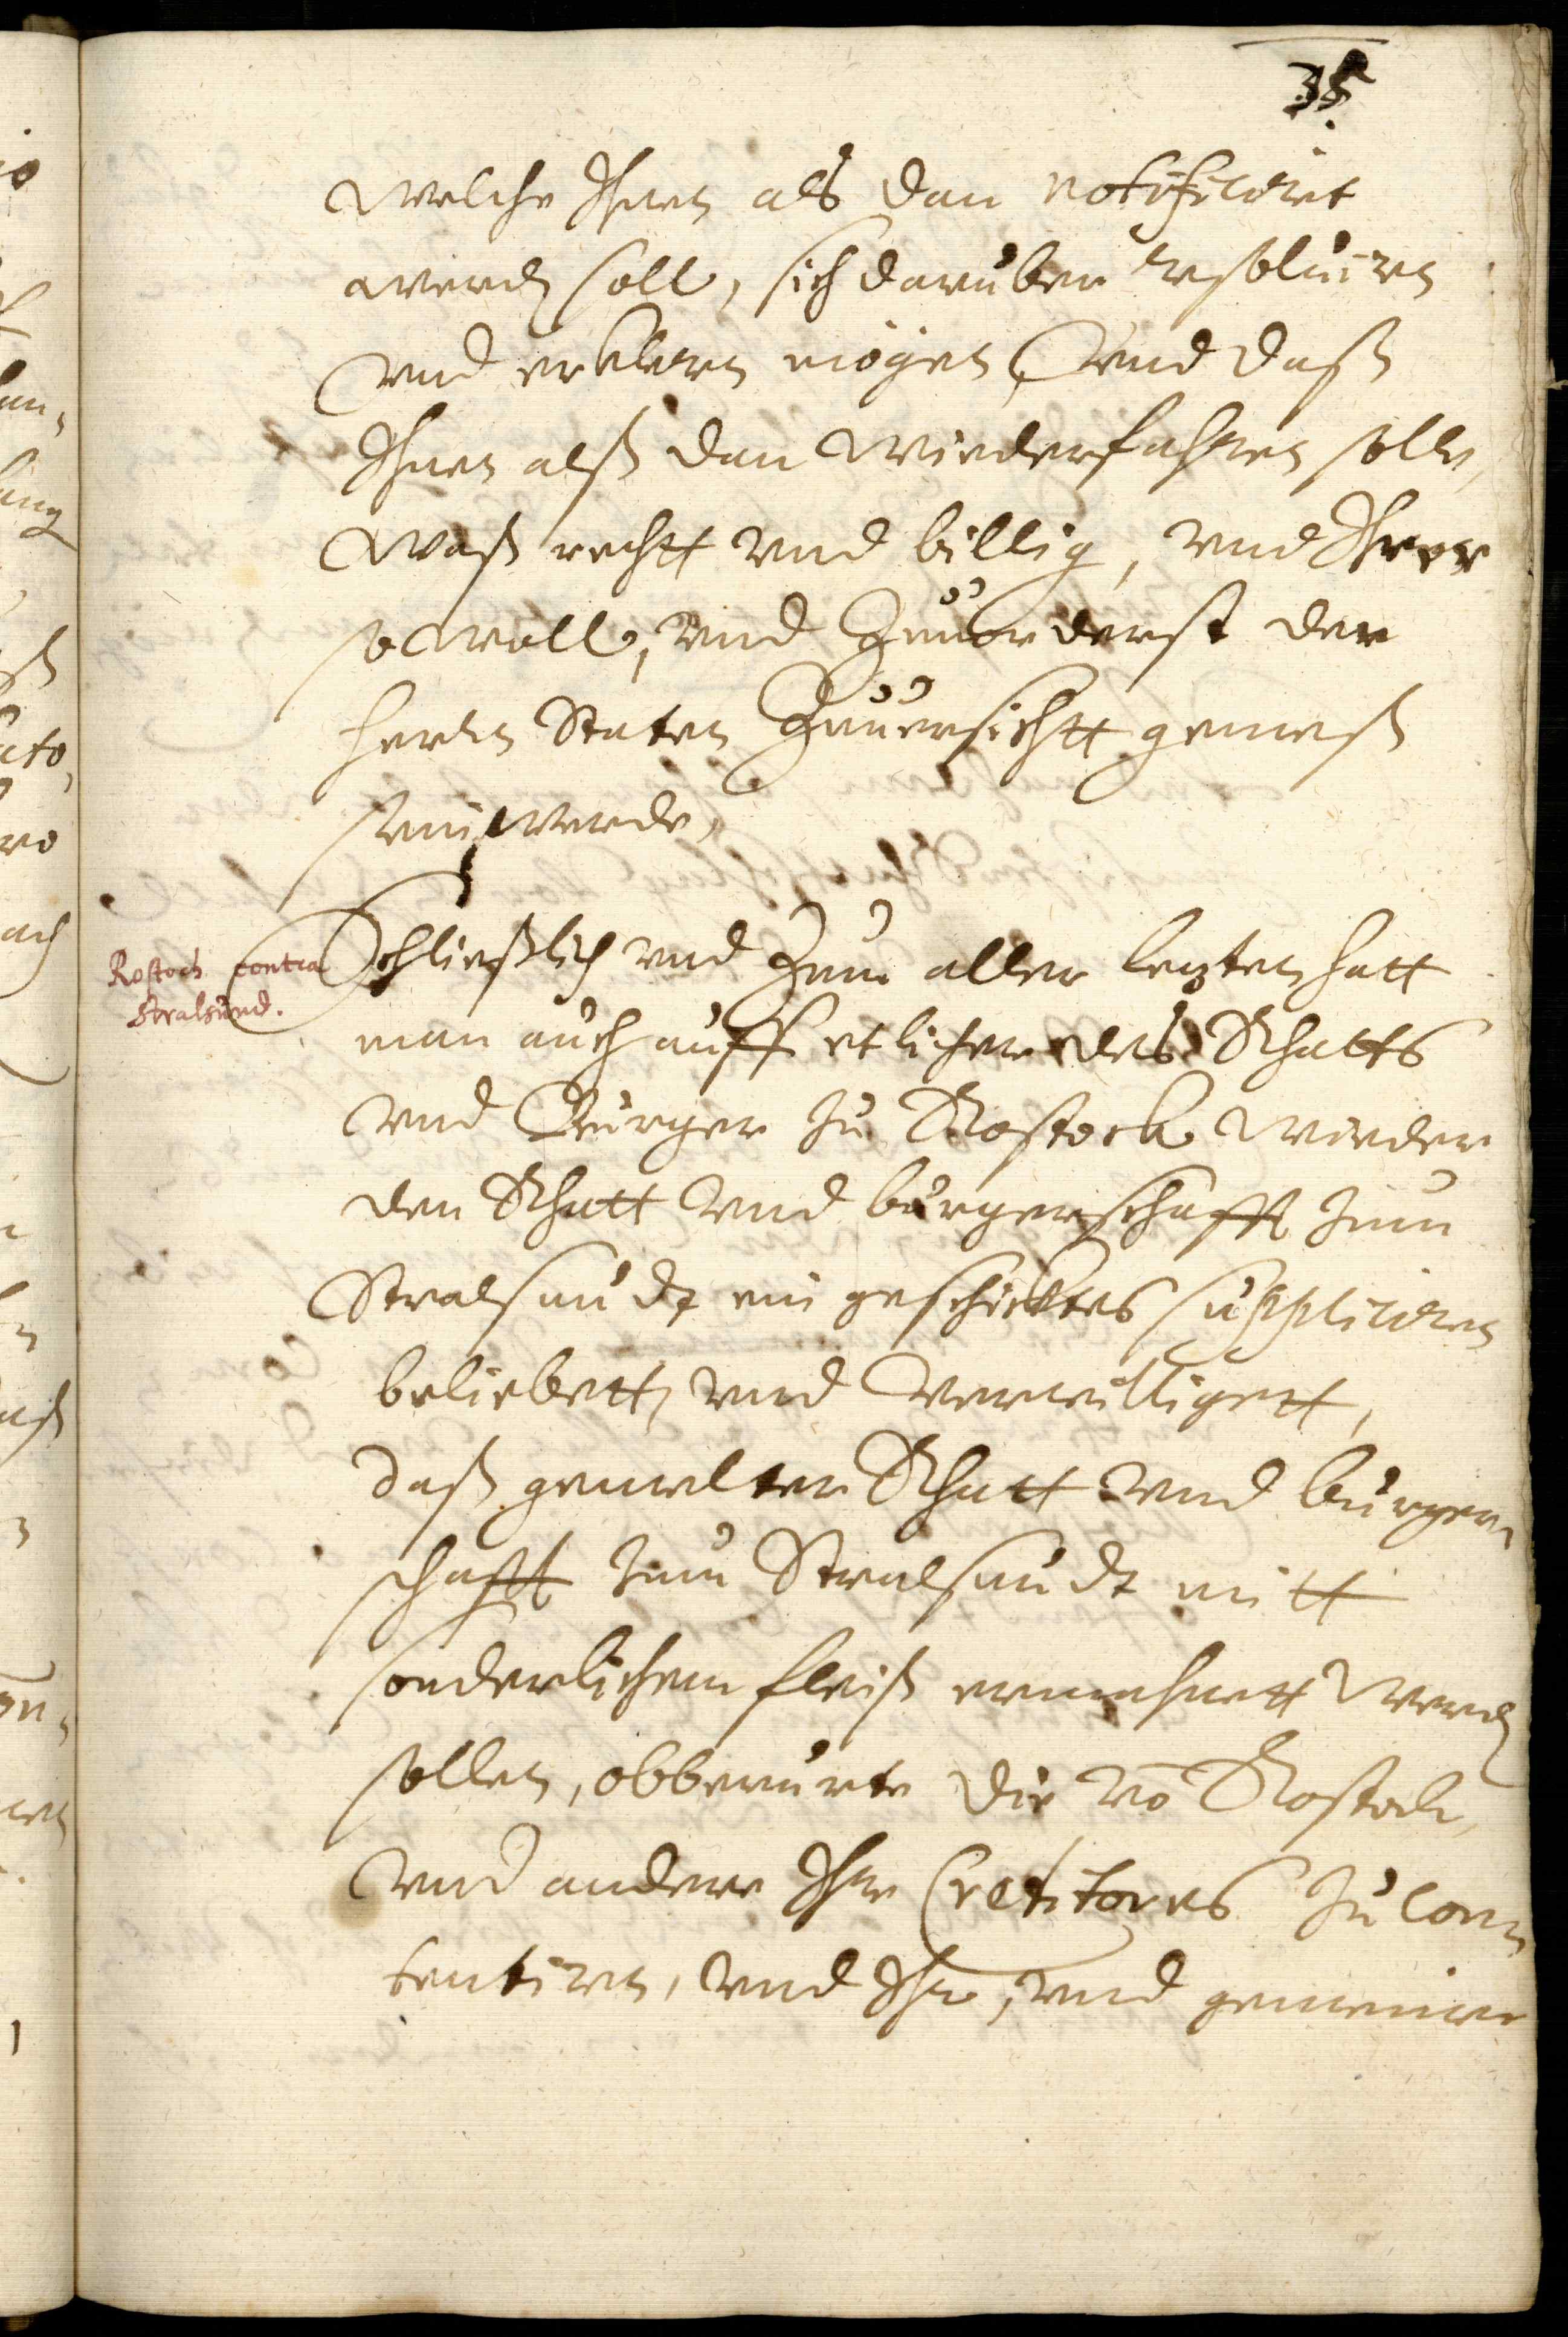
35
welche Ihnen als dan notificiret
werden soll, sich daruber resoluiren
vnd erkleren mögen, vnd daß
Ihnen alß dan wiederfahren solle,
waß recht vnd billig, vnd Ihrer
sowoll, vnd zuuorderst der
herrn Staten Zuuersichtt gemeß
sein werde,
Rostoch contra
Stralsund.
Schließlich vnd zum aller letzten hatt
man auch auff etlicher des Rhatts
vnd Burger zu Rostock wieder
den Rhatt vnd burgerschafft zum
Stralsundt ein geschicktes suppliciren
beliebett, vnd verwilligett,
daß gemelter Rhatt vnd burger¬
schafft zum Stralsundt mitt
sonderlichem fleiß ermahnett werden
sollen, obberurte die von Rostock
vnd andere Ihre Creditores zu con¬
tentiren, vnd Ihr, vnd gemeiner
